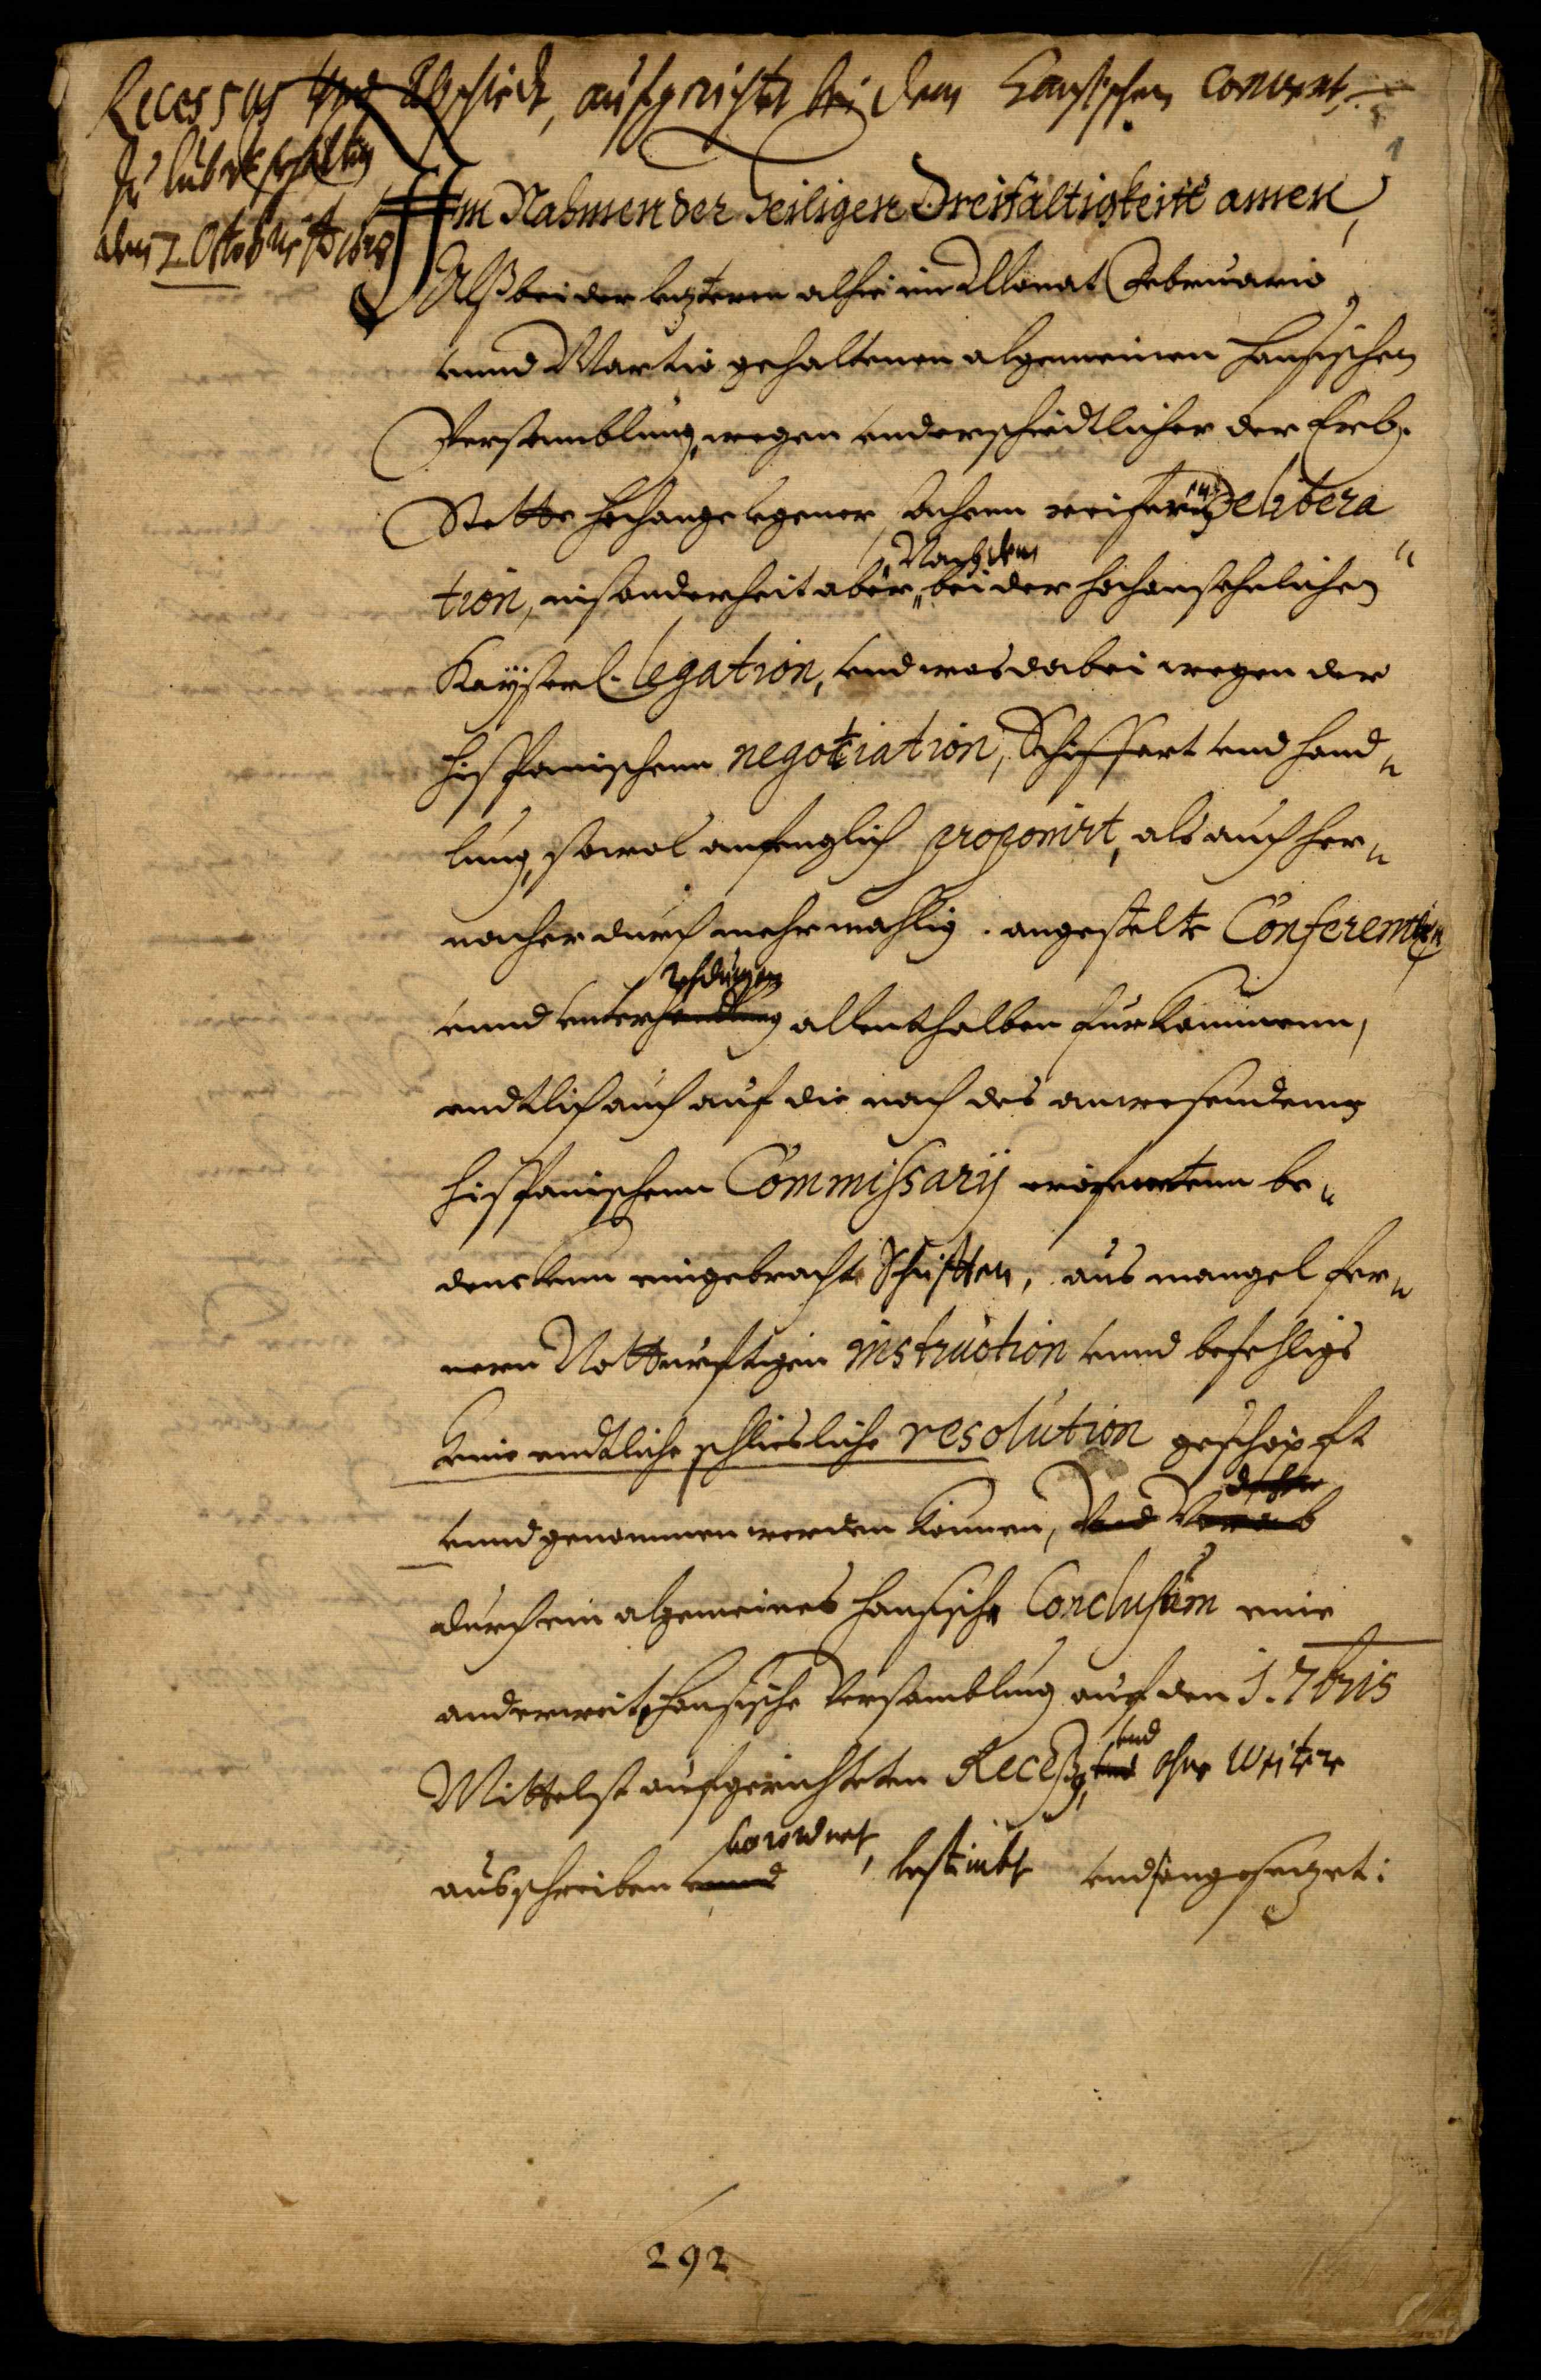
Recessus vnd Abscheidt, aufgerichtet bei dem Hansischen conventum
zu lubek gehalten
ahm 7. Octobris Ao 1628
IIm Nahmen der Heiligen Dreifaltigkeitt amen,
Alß bei der letzteren alhir im Monat Februario
vnnd Martio gehaltenen algemeinen hansischen
Versamblung, wegen vnderschiedlicher der Erb.
Stette hochangelegener sachenn reifern delibera¬
,,Nachdem
tion, insonderheit aber ,, bei der hochansehnlichen
Kaijserl. Legation, vnd was dabei wegen der
hispanischenn negotiation, Schiffart vnd hand¬
lung, sowol anfenglich proponirt, als auch her¬
nacher durch mehrmahlig angestelte Conferentzen
rehdungen
vnnd vnterhandlung allenthalben furkommenn,
endtlich auch auf die nach des anwesendener
hispanischenn Commissarij eröfenetenn be¬
denckenn eingebrachte Schriften, aus mangel fer¬
nern Notturftigen instruction vnnd befehligs
Seine endtliche schliesliche resolution geschöpft
daher
vnnd genommen werden konnen, Vnd Vorumb
durch ein algemeines hansische Conclusion eine
anderweite hansische Versamblung auf den 1. 7bris
Mittelst aufgerichteten Receßus, vnd ohne weitere
vorordnet,
ausschreiben vnnd, bestimbt vnd/angesetzet:
292
